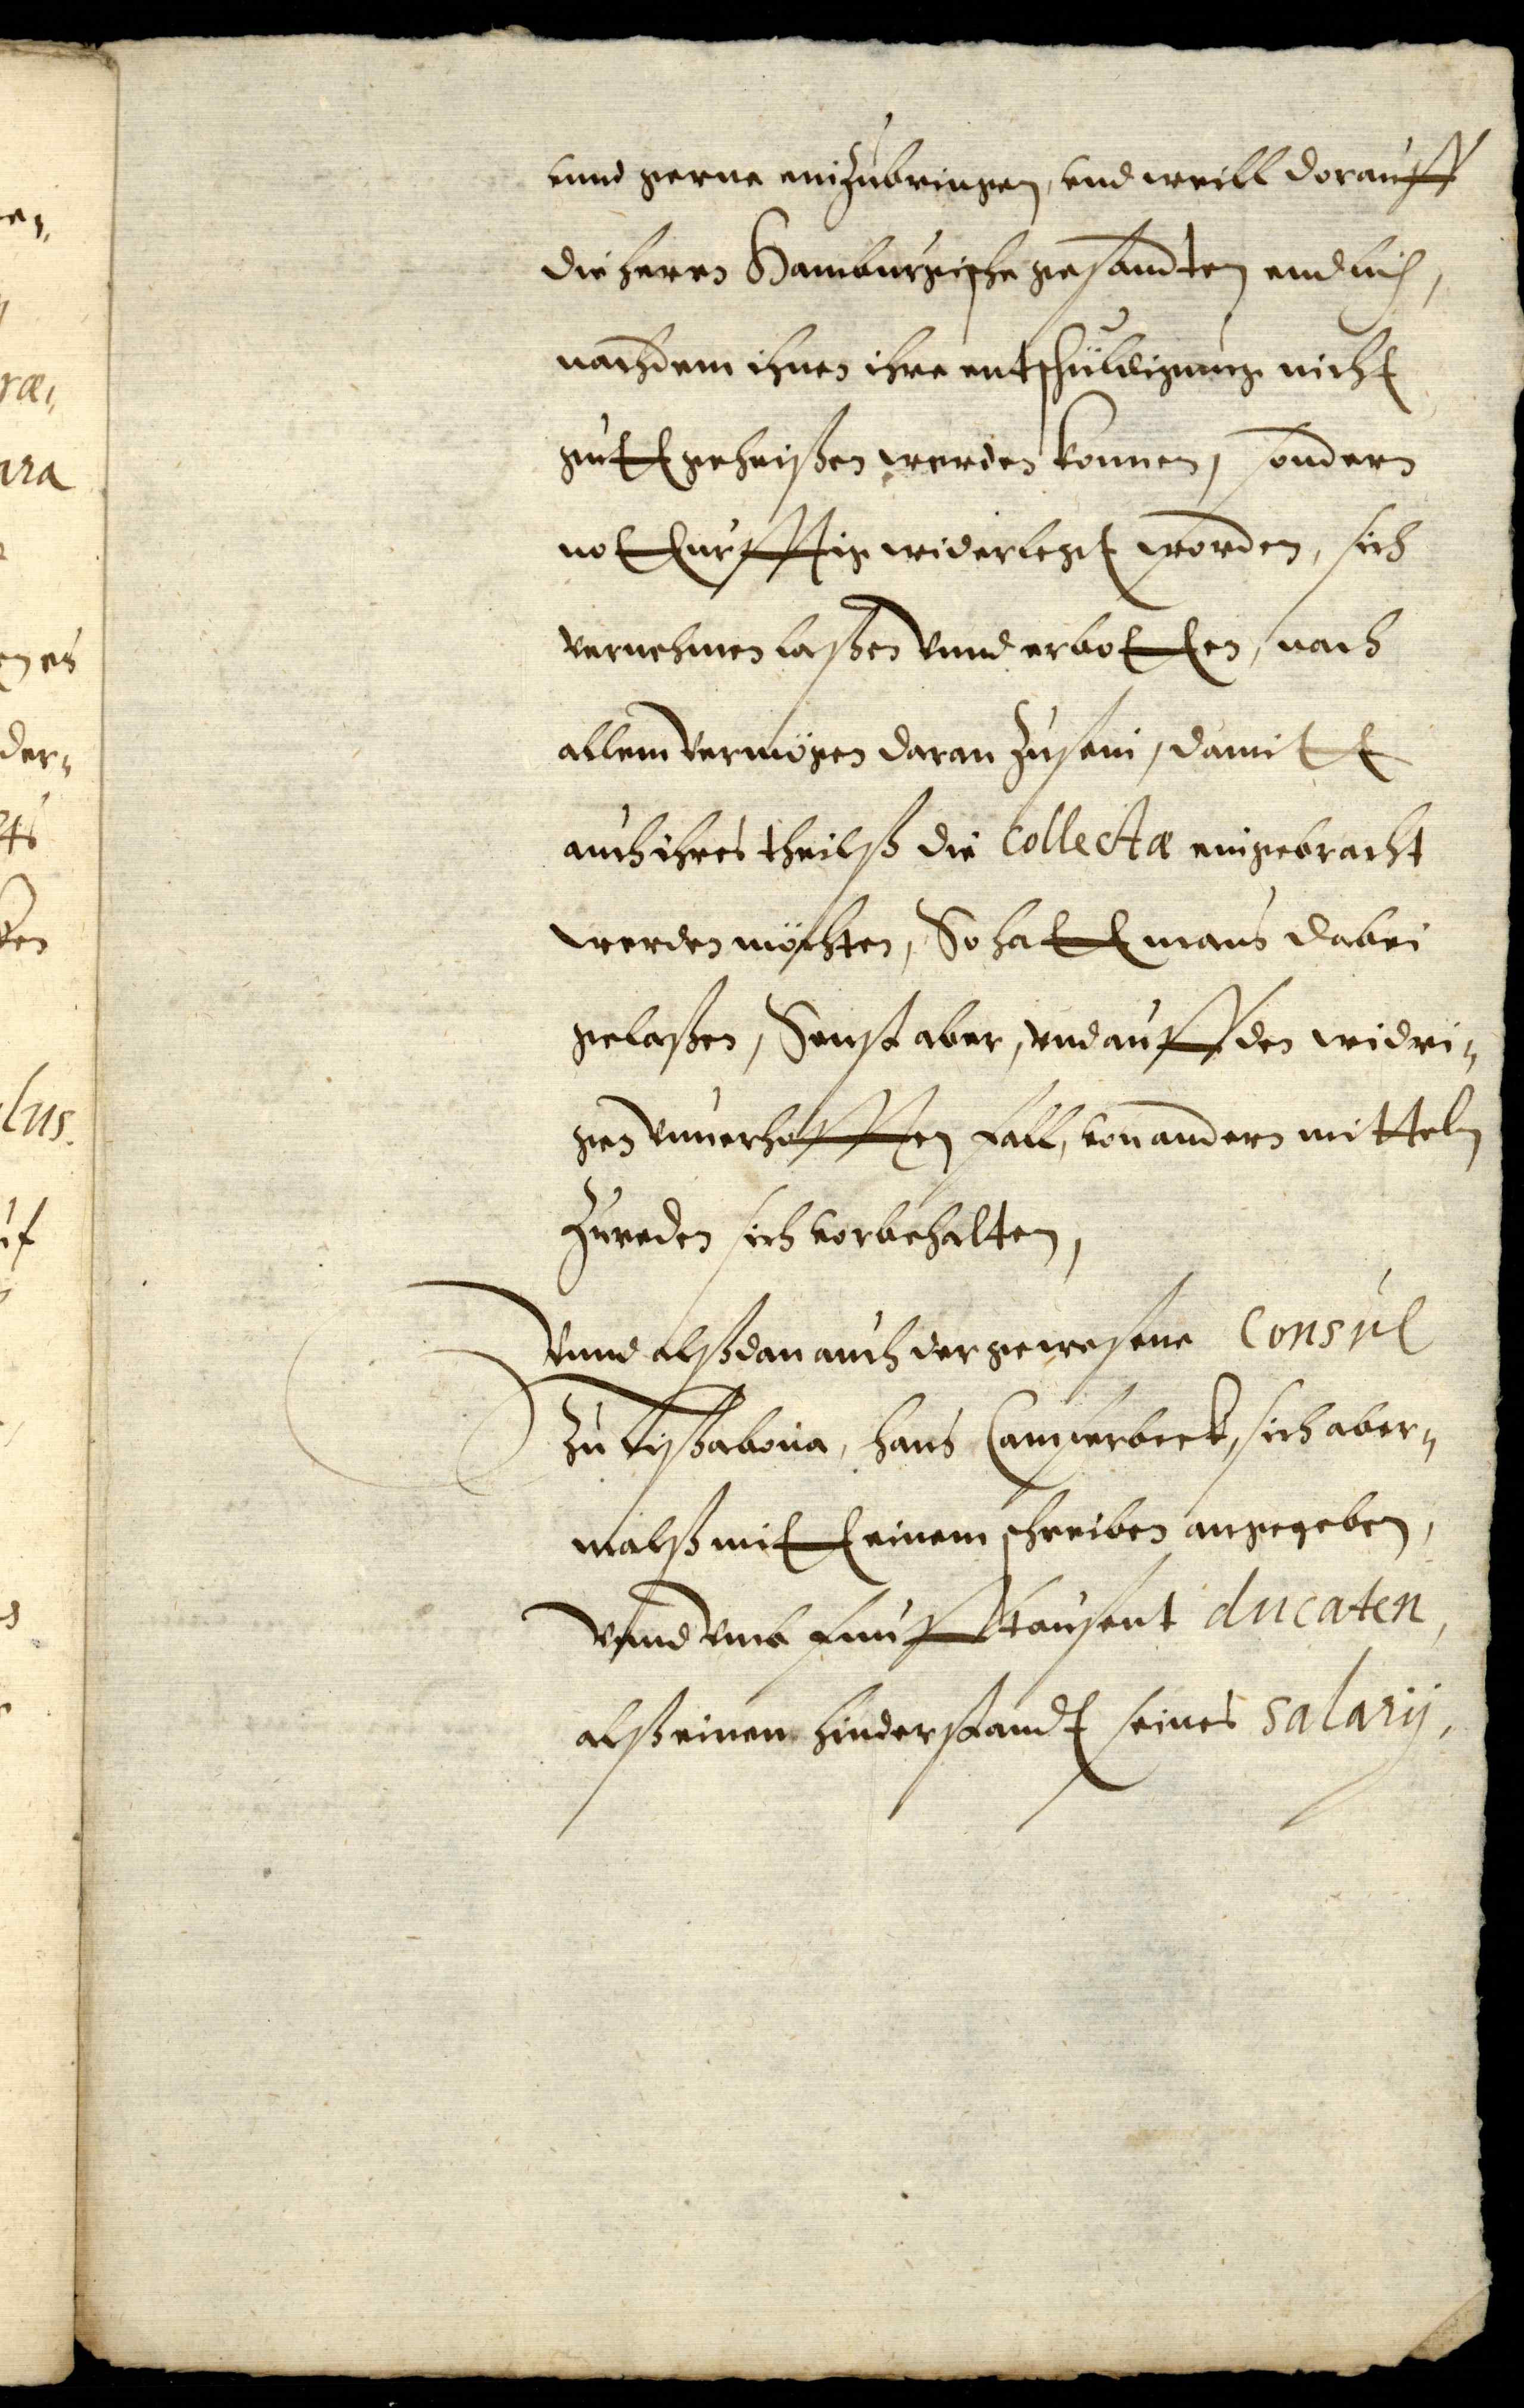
vnnd gerne einZubringen, vnd weill dorauff
die herrn Hamburgische gesandten endlich,
nachdem ihnen ihre entschüldigung nicht
gutt geheißen werden konnen, sondern
nottdurfftig widerlegt worden, sich
vernehmen laßen Vnd erbotten, nach
allem Vermögen daran Zusein, damitt
auch ihres theilß die collectæ eingebracht
werden möchten, So hatt mans dabei
gelaßen, Sonst aber, vnd auff den widri¬
gen Vnuerhofften fall, von andern mitteln
Zureden sich vorbehalten,
Vnnd alßdan auch der gewesene Consul
zu Lißabona, Hans Camferbeck, sich aber¬
malß mitt einem schreiben angegeben,
Vnnd Vmb funfftausent ducaten,
alß einen hinderstandt seines salarij,
